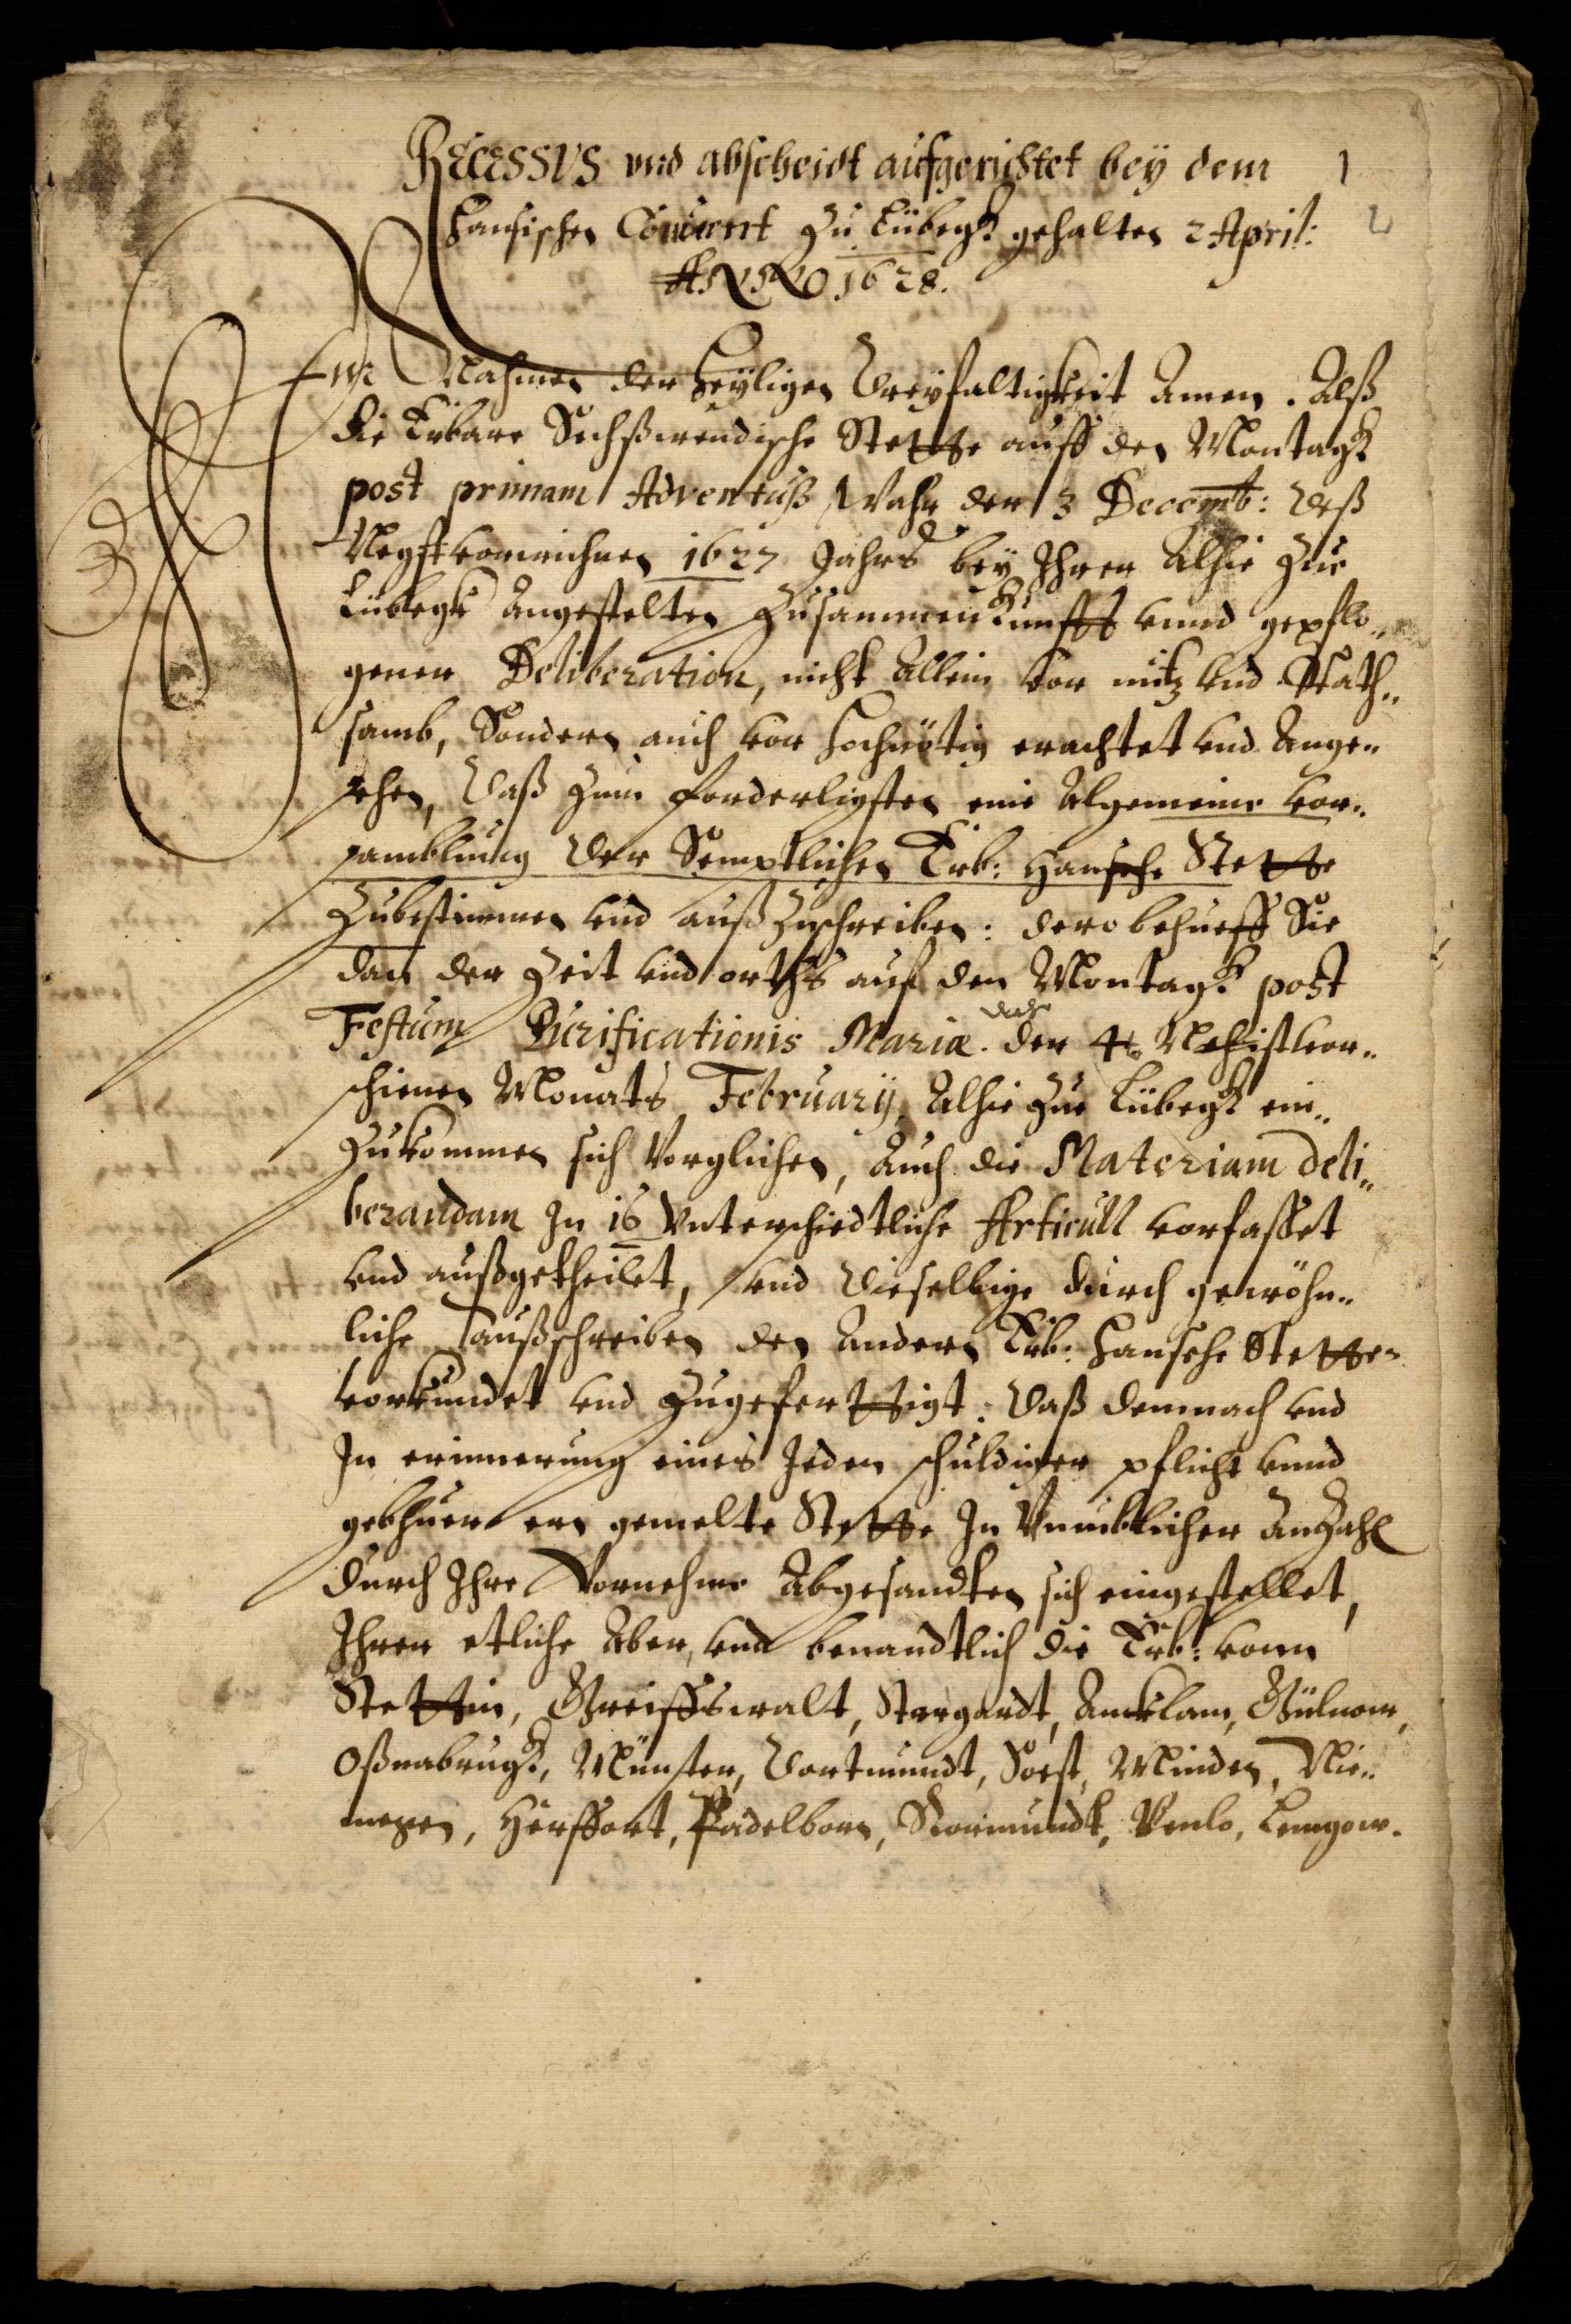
1
Recessus und abscheidt aufgerichtet beij dem
hansischen Conuent zu Lübegk gehalten 2 April:
ANNO 1628.
Im Nahmen der Heijligen Dreijfaltigkeit Amen. Alß
die Erbare Sechß wendische Stette auff den Montagk
post primam Adventuß, Wahr der 3 Decemb: deß
Negstvorwichnen 1627 Iahrs beij Ihrer alhie zue
Lübegk angestelten zusammenkunftt vnnd gepflo¬
gener Deliberation, nicht allein vor nutz vnd Rath¬
samb, Sondern auch vor hochnötig erachtet vnd ange¬
sehen, daß zum forderligsten eine Algemeine Vor¬
samblung der Semptlichen Erb: hansehe Stette
zubestimmen und außzuschreiben: dero behueff Sie
dan der zeit und orths auf den Montagk post
das
Festum Purificationis Mariæ der 4ten Nehistvor¬
schienen Monats Februarij, alhie zue Lübegk ein¬
zukommen sich vorglichen, auch die Materiam deli¬
berandam in 16 unterschiedtliche Articull vorfasset
vnd außgetheilet, und dieselbige durch gewöhn¬
liche außschreiben den andern Erb: hansehe Stetten
vorkundet vnd zugeferttigt: daß demnach vnd
in erinnerung eines jeden schuldiger pflicht vnnd
gebhuer ern gemelte Stette In vnuiblicher anzahl
durch Ihre Vornehme Abgesandten sich eingestellet,
Ihren etliche aber, vnd benandtlich die Erb: vonn
Stettin, Greiffswalt, Stargardt, Anklam, Gülnow,
Oßnabrugk, Münster, Dortmundt, Soest, Minden, Nie¬
megen, Herffort, Padelborn, Rormundt, Venlo, Lemgow.
